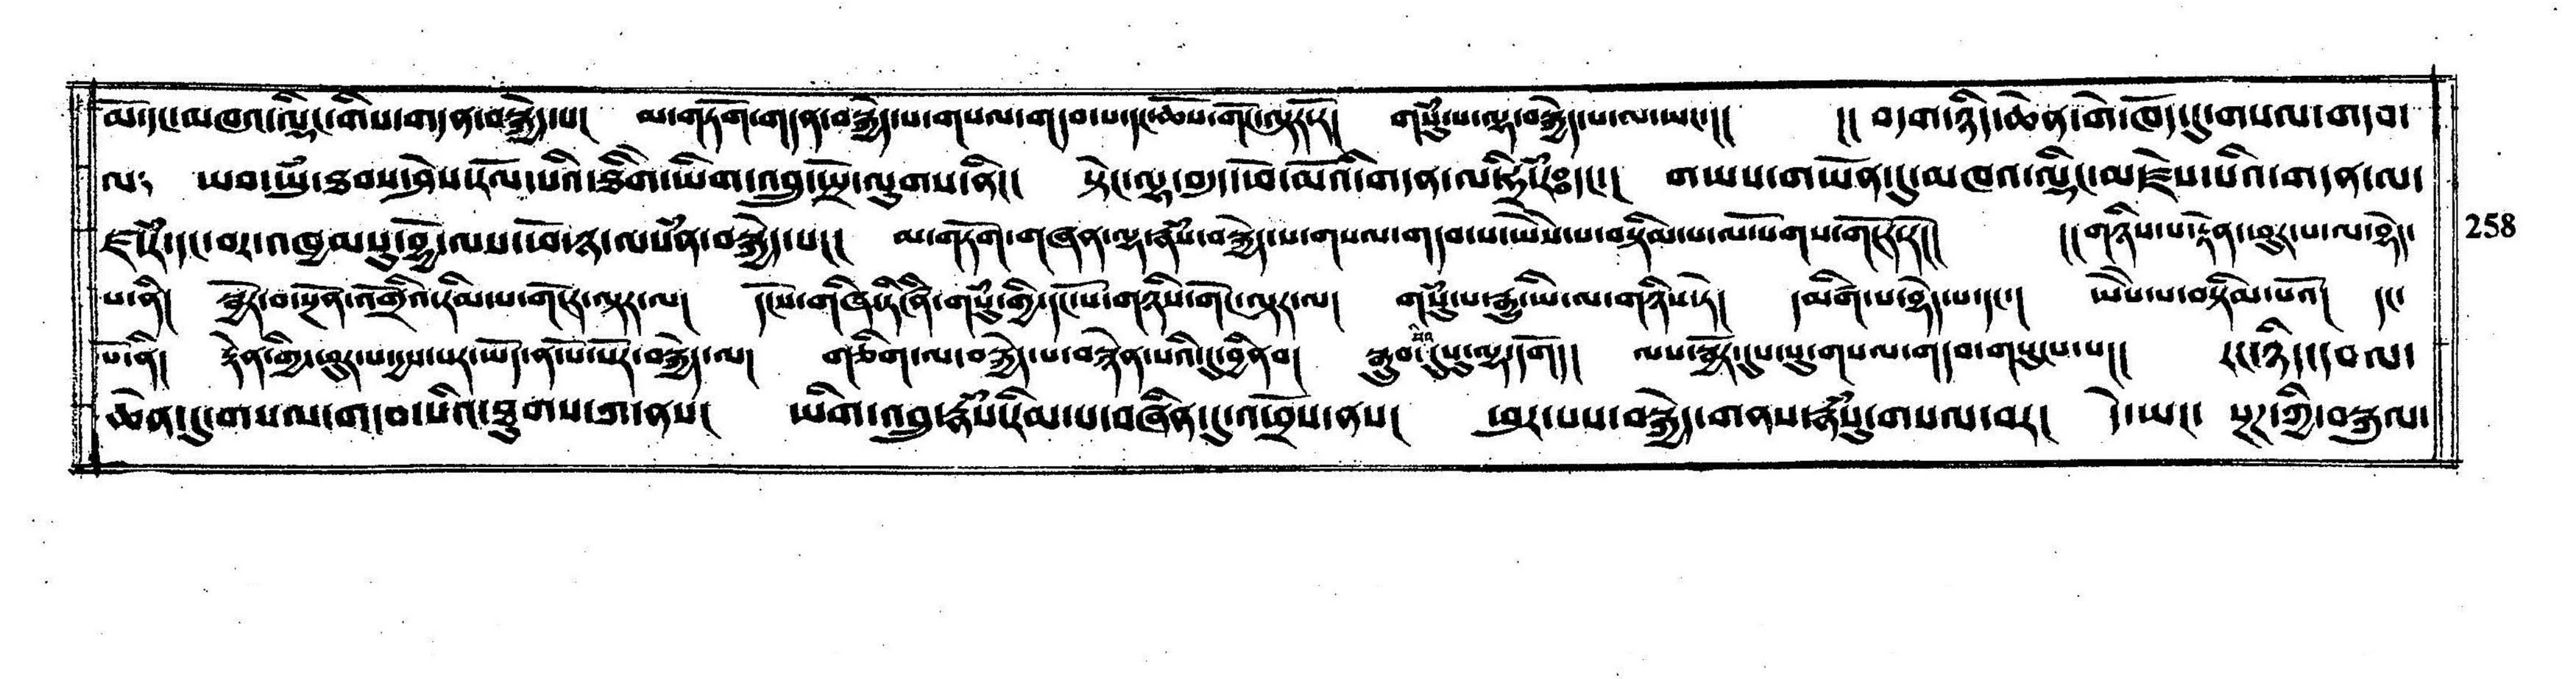མོ་དང་མཁའ་ལྡིང་གིས་གདན་བསྐྱེད་པ། མ་གཏོག་གདན་བསྐྱེད་པ་གསལ་གདབ་པ་དང་ཆོས་གོང་ལྟར་རོ། གསུམ་པ་ལྷ་བསྐྱེད་པ་ལ་ཡང་།། །།བདག་ཉིད་ཆེན་གེ་ཁོད་དུ་གསལ་གདབ་
ལ། ཡབ་ཡུམ་ཐབས་ཤེས་རོལ་པའི་ཐིག་ལེ་ཡིག་འབྲུ་སྤྲོ་ལུགས་ནི།། སྟེང་ལྷ་བདུད་ཕོ་མོའི་གདན་ལ་ཧྲི་རཾཿདང་། གཡས་གཡོན་དུ་མཁའ་ལྡིང་མཛེས་པའི་གདན་ལ་
ཛ་རཾ་དང་བར་འཁྱམས་སུ་བྷྱོ་ལས་ཕོ་ཉ་ལས་མཁན་བསྐྱེད་པ།། མ་གཏོག་གཞན་ལྷ་རྣམས་བསྐྱེད་པ་གསལ་གདབ་པ་ཡེ་ཤེས་པ་བསྟིམ་པ་ལ་སོགས་གོང་ལྟར་རོ།། །།གཉིས་པ་རྟེན་ཕུར་པ་ལ་བསྐྱེད་༼བྷེད༽་
པ་ནི། སྦྱོར་བ་སྔོན་འགྲོའི་རིམ་པ་གོང་ལྟར་ལ། དངོས་གཞི་ཏིང་འཛིན་གསུམ་གྱི་དང་པོ་གཉིས་གོང་ལྟར་ལ། གསུམ་པ་རྒྱུ་ཡི་མ་གཉིས་ཏེ། དམ་ཚིག་པ་བསྐྱེད་༼བྷེད༽་པ་དང་། ཡེ་ཤེས་པ་བསྟིམ་པའོ། དང་
པོ་ནི། རྟེན་གྱི་ཕུར་པ་སངས་རྒྱས་པར་ཡོད་ན་སོ་སོར་བསྐྱེད་ལ། གཅིག་ལ་བསྐྱེད་པ་བསྙེན་པའི་དུས་བྱིན་བརླབས། སྒྲུབ་པའི་དུས་སུ་ལྷ་དགོད། ལས་སྦྱོར་དུས་སུ་གསལ་གདབ་གསུངས་པ།། རང་ཉིད་དབལ་
ཆེན་དུ་གསལ་གདབ་པའི་ཐུགས་ཀ་ནས། ཡིག་འབྲུ་རྣམས་རིམ་པ་བཞིན་དུ་འཕྲོས་ནས། ཕུར་པས་བསྐྱེད་གནས་རྣམས་སུ་གསལ་བར། དེ་ཡང་སྔགས་ཀྱི་བསྐུལ་